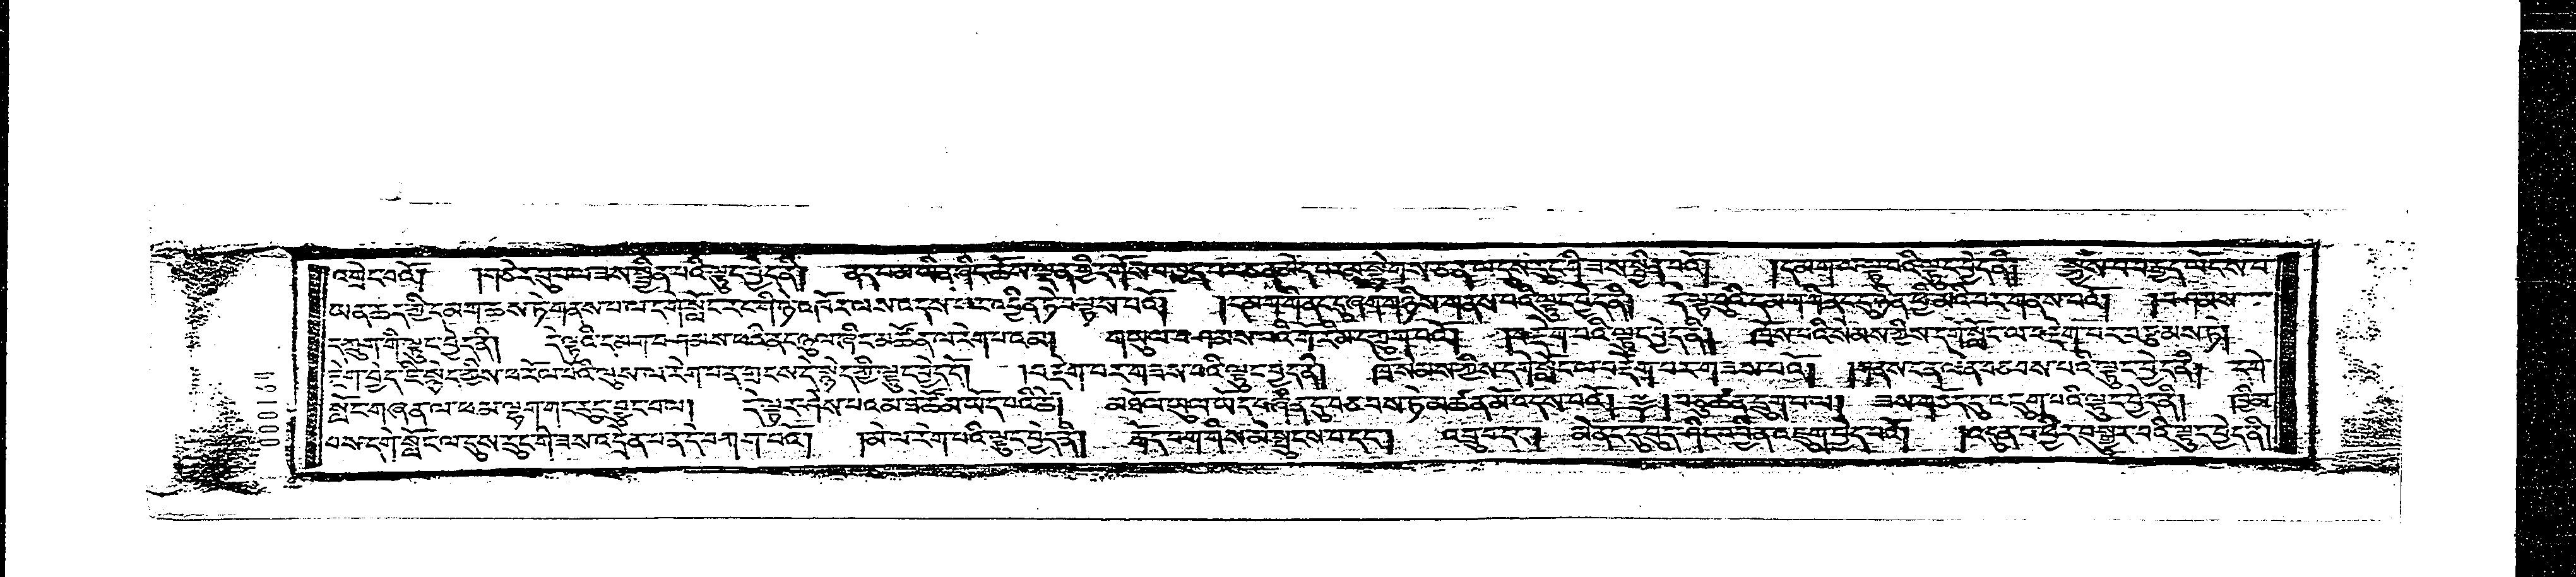འགྲེང་བའོ། །གཅེར་བུ་པ་ལ་ཟས་སྦྱིན་པའི་ལྟུང་བྱེད་ནི། ནད་པ་མ་ཡིན་ཞིང་ཆོས་ལྡན་གྱི་དགོས་པ་ཁྱད་པར་ཅན་མེད་པར་མུ་སྟེགས་ཅན་ལ་དུས་རུང་གི་ཟས་སྦྱིན་པའོ། །དམག་ལ་ལྟ་བའི་ལྟུང་བྱེད་ནི། སྐྱེས་པ་བརྒྱད་ལོངས་པ་
ཡན་ཆད་ཀྱི་དམག་ཆས་ཏེ་གནས་པ་ལ་དགེ་སློང་རང་གི་ཉེ་འཁོར་ལས་འདས་པར་འབྱིན་ཏེ་བལྟས་པའོ། །དམག་གི་ནང་དུ་ཞག་གཉིས་གནས་པའི་ལྟུང་བྱེད་ནི། དེ་ལྟ་བུའི་དམག་གི་ནང་དུ་ཉིན་ཕྱི་མའི་བར་གནས་པའོ། །བཤམས་
དཀྲུག་གི་ལྟུང་བྱེད་ནི། དེ་ལྟའི་དམག་བཤམས་ཕའི་ནང་ཉུལ་ཞིང་མཚོན་ལ་རེག་པ་འམ། གཡུལ་བཤམས་པའི་གོ་རིམ་དཀྲུག་པའོ། །བརྡེག་པའི་ལྟུང་བྱེད་ནི། ཁྲོས་པའི་སེམས་ཀྱིས་དགེ་སློང་ལ་བརྡེག་པར་བརྩམས་ཏེ།
རྡེག་བྱེད་ཇི་སྙེད་ཀྱིས་ཕ་རོལ་པོའི་ལུས་ལ་རེག་པ་ན་གྲངས་དེ་སྙེད་ཀྱི་ལྟུང་བྱེད་དོ། །བརྡེག་པར་གཟས་པའི་ལྟུང་བྱད་ནི། ཁྲོ་སེམས་ཀྱིས་དགེ་སློང་ལ་བརྡེག་པར་གཟས་པའོ། །གནས་ངན་ལེན་བཅབས་པའི་ལྟུང་བྱེད་ནི། དགེ་
སློང་གཞན་ལ་ཕམ་ལྷག་གང་རུང་བྱུང་བ་ལ། དེ་ལྟར་ཤེས་པའམ་ཐེ་ཚོམ་ཡོད་པའི་ཚེ། མཐོལ་ཡུལ་ཡོད་བཞིན་དུ་བཅབས་ཏེ་མཚན་མོ་འདས་པའོ། ༈ །བཅུ་ཚན་དྲུག་པ་ལ། ཟས་གཅོད་དུ་འདུག་པའི་ལྟུང་བྱེད་ནི། ཁྱིམ་
པས་དགེ་སློང་ལ་དུས་རུང་གི་ཟས་འདྲེན་པ་ན་དེ་བཀག་པའོ། །མེ་ལ་རེག་པའི་ལྟུང་བྱེད་ནི། རྒོད་བག་གིས་མེ་སྤུངས་པ་དང་། འབྲུ་བ་དང་། མེ་ནང་དུ་བུད་ཤིང་འབྱིན་འཇུག་བྱེད་པའོ། །འདུན་པ་ཕྱིར་བསྒྱུར་བའི་ལྟུང་བྱེད་ནི།